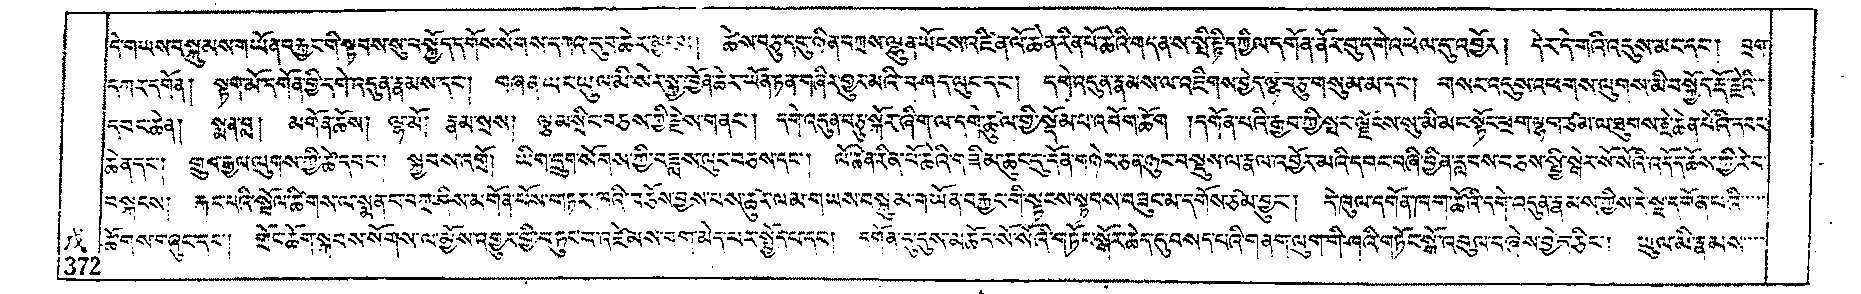དེ་གཡས་བསྐུམས་གཡོན་བརྐྱང་གི་སྟབས་སུ་བསྐྱོད་དགོས་སོགས་དཀའ་དུབ་ཆེར་མྱངས། ཚེས་བཅུ་དགུ་ཉིན་བཀྲས་ལྷུན་ཡོངས་འཛིན་ལོ་ཆེན་རིན་པོ་ཆེའི་གདན་ས་སྤི་རྟི་དཀྱིལ་དགོན་ནོར་བུ་དགེ་འཕེལ་དུ་འབྱོར། དེར་དེ་གའི་འདུས་མང་དང་། བྲག་
དཀར་དགོན། སྟག་མོ་དགོན་གྱི་དགེ་འདུན་རྣམས་དང་། གཞན་ཡང་ཡུམ་མི་སེར་སྐྱ་ཁྱོན་ཆེར་ཡོན་ཏན་གཞིར་གྱུར་མའི་བཤད་ལུང་དང་། དགེ་འདུན་རྣམས་ལ་འཇིགས་བྱེད་ལྷ་བཅུ་གསུམ་མ་དང་། གསང་འདུས་འཕགས་ལུགས་མི་བསྐྱོད་རྡོ་རྗེའི་
དབང་ཆེན། སྨན་བླ། མགོན་ཆོས། ལྷ་མོ། རྣམ་སྲས། ལྕམ་སྲིང་བཅས་ཀྱི་རྗེས་གནང་། དགེ་འདུན་བཅུ་སྐོར་ཞིག་ལ་དགེ་ཚུལ་གྱི་སྡོམ་པ་འབོག་ཆོག །དགོན་པའི་རྒྱབ་ཀྱི་སྤང་ལྗོངས་སུ་མི་མང་སྟོང་ཕྲག་ལྷག་ཙམ་ལ་ཐུགས་རྗེ་ཆེན་པོའི་དབང་
ཆེན་དང་། གྲུབ་རྒྱལ་ལུགས་ཀྱི་ཚེ་དབང་། སྐྱབས་འགྲོ། ཡིག་དྲུག་སོགས་ཀྱི་བཟླས་ལུང་བཅས་དང་། ལོ་ཆེན་རིན་པོ་ཆེའི་གཟིམ་ཆུང་དུ་དོན་གཉེར་ཅན་ཉུང་བསྡུས་ལ་རྣལ་འབྱོར་མའི་དབང་བཞི་བྱིན་རླབས་བཅས་སྤྱི་སྒེར་སོ་སོའི་འདོད་ཆོས་ཀྱི་རེ་བ་
བསྐངས། རྐང་པའི་སྦོལ་ཚིགས་ལ་སྨན་པ་བཀྲ་ཤིས་མགོན་པོས་གཏར་ཁའི་བཅོས་བྱས་པས་ཚུར་ལམ་གཡས་བསྐུམ་གཡོན་བརྐྱང་གི་སྟངས་སྟབས་བཟུང་མ་དགོས་ཙམ་བྱུང་། དེ་ཁུལ་དགོན་ཁག་ཚོའི་དགེ་འདུན་རྣམས་ཀྱིས་དེ་སྔ་དགོན་པའི་
ཚོགས་གཞུང་དང་། གྲོང་ཆོག་སྐབས་སོགས་ལ་མྱོས་འགྱུར་གྱི་བཏུང་བ་འཛེམས་བག་མེད་པར་སྤྱོད་པ་དང་། དགོན་དུ་དུས་མཆོད་སོ་སོའི་གཏོང་སྒོར་ཆེད་དུ་བསད་པའི་གནག་ལུག་གི་ཤའི་གཏོང་སྒོ་འབུལ་བཞེས་བྱེད་ཅིང་། ཡུལ་མི་རྣམས་